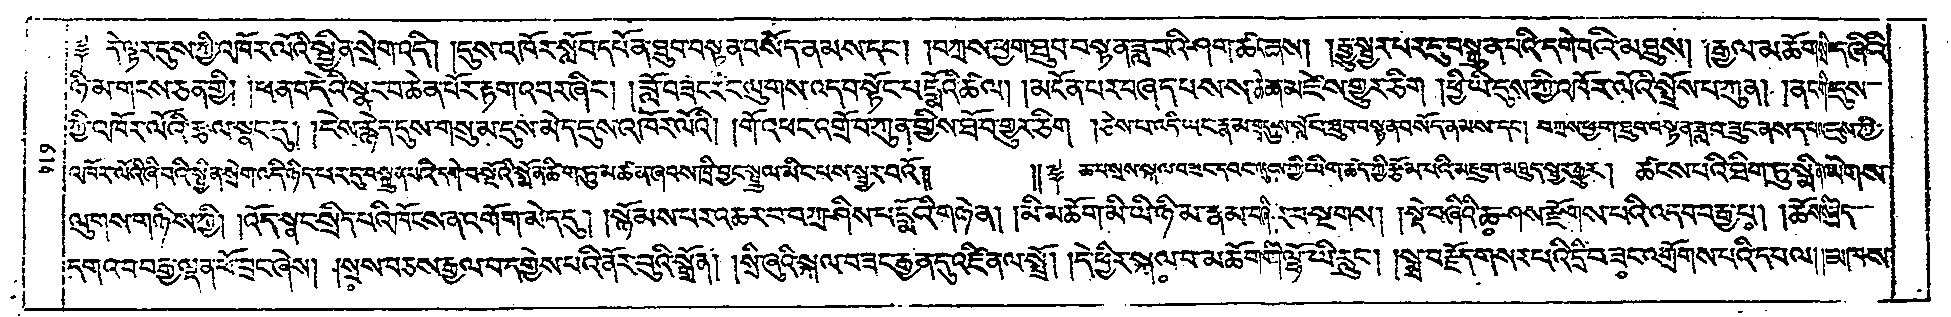༈ དེ་ལྟར་དུས་ཀྱི་འཁོར་ལོའི་སྦྱིན་སྲེག་འདི། །དུས་འཁོར་སློབ་དཔོན་ཐུབ་བསྟན་བསོད་ནམས་དང་། །བཀྲས་ཕྱག་ཐུབ་བསྟན་ཟླ་བའི་ཤག་ཚང་ནས། །རྒྱུ་སྦྱར་པར་དུ་བསྐྲུན་པའི་དགེ་བའི་མཐུས། །རྒྱལ་མཆོག་སྲིད་ཞིའི་
ཉི་མ་གངས་ཅན་གྱི། །ཕན་བདེའི་སྣང་བ་ཆེན་པོར་རྟག་འབར་ཞིང་། །བློ་བཟང་རིང་ལུགས་འདབ་སྟོང་པདམོའི་ཚལ། །མངོན་པར་བཞད་པས་ས་ཆེན་མཛེས་གྱུར་ཅིག །ཕྱི་ཡི་དུས་ཀྱི་འཁོར་ལོའི་སྤྲོས་པ་ཀུན། །ནང་གི་དུས་
ཀྱི་འཁོར་ལོའི་རྩལ་སྣང་དུ། །ངེས་རྙེད་དུས་གསུམ་དུས་མེད་དུས་འཁོར་ལོའི། །གོ་འཕང་འགྲོ་བ་ཀུན་གྱིས་ཐོབ་གྱུར་ཅིག །ཅེས་པ་འདི་ཡང་རྣམ་གྲྭ་དུས་སློབ་ཐུབ་བསྟན་བསོད་ནམས་དང་། བཀྲས་ཕྱག་ཐུབ་བསྟན་ཟླ་བ་ཟུང་ནས་དཔལ་དུས་ཀྱི་
འཁོར་ལོའི་ཞི་བའི་སྦྱིན་སྲེག་འདི་ཉིད་པར་དུ་བསྐྲུན་པའི་དགེ་བསྔོའི་སྨོན་ཚིག་ཏུ་མཚན་ཞབས་ཁྲི་བྱང་སྤྲུལ་མིང་པས་སྦྱར་བའོ།། །། ༈ ཆ་པ་སྲས་སྐལ་བཟང་དབང་འདུས་ཀྱི་ཡིག་ཚད་ཀྱི་རྩོམ་པའི་མཇུག་མཐུད་སྦྱར་རྒྱུར། ཚངས་པའི་ཐིག་ཏུ་སྨིན་ལེགས་
ལུགས་གཉིས་ཀྱི། །འོད་སྣང་སྲིད་པའི་ཁོངས་ན་འགོག་མེད་དུ། །སྙོམས་པར་འཆར་བ་བཀྲ་ཤིས་པདམོའི་གཉེན། །མི་མཆོག་མི་ཡི་ཉི་མ་རྣམ་བཞིར་བསྔགས། །སྡེ་བཞིའི་ཆ྾་ཤས་རྫོགས་པའི་འདབ་བརྒྱ་པ྾། །ཆོས་སྲིད་
དགའ་བ་བརྒྱ་ལྡན་ཕོ་བྲང་ཞེས། །སྲས྾་བཅས་རྒྱལ་བ་དགྱེས་པའི་ནོར་བུའི་སྒྲོན། །སྲི་ཞུའི་སྐལ་བཟང་རྒྱན་དུ་འཛིན་ལ་སྤྲོ། །དེ་ཕྱིར་སྐལ྾་བ་མཆོག་གི་ལྷོ་ཡི་རླུང་། །སྨྲ་བརྗོད་གསར་པའི་དྲི་བཟང྾་འགྲོགས་པའི་དཔལ། །མཁས་